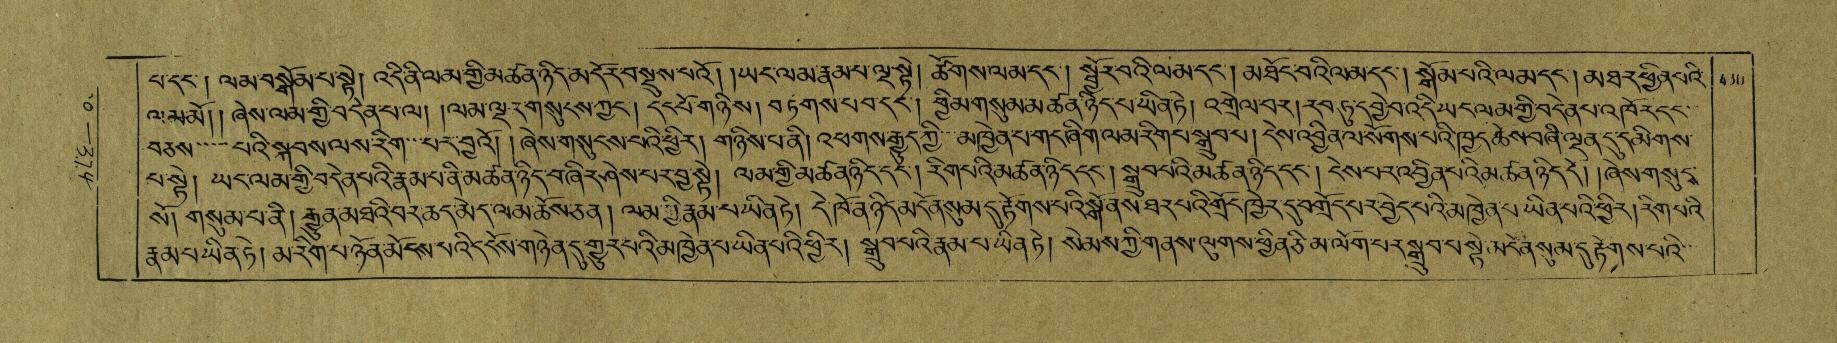པ་དང་། ལམ་བསྒོམ་པ་སྟེ། འདི་ནི་ལམ་གྱི་མཚན་ཉིད་མདོར་བསྡུས་པའོ། །ཡང་ལམ་རྣམ་པ་ལྔ་སྟེ། ཚོགས་ལམ་དང་། སྦྱོར་བའི་ལམ་དང་། མཐོང་བའི་ལམ་དང་། སྒོམ་པའི་ལམ་དང་། མཐར་ཕྱིན་པའི་
ལམ་མོ། །ཞེས་ལམ་གྱི་བདེན་པ་ལ། །ལམ་ལྔར་གསུངས་ཀྱང་། དང་པོ་གཉིས། བཏགས་པ་བ་དང་། ཕྱི་མ་གསུམ་མཚན་ཉིད་པ་ཡིན་ཏེ། འགྲེལ་བར། རབ་ཏུ་དབྱེ་བ་འདི་ཡང་ལམ་གྱི་བདེན་པ་འཁོར་དང་
བཅས་པའི་སྐབས་ལས་རིག་པར་བྱའོ། །ཞེས་གསུངས་པའི་ཕྱིར། གཉིས་པ་ནི། འཕགས་རྒྱུད་ཀྱི་མཁྱེན་པ་གང་ཞིག་ལམ་རིག་པ་སྒྲུབ་པ། དེས་འབྱིན་ལ་སོགས་པའི་ཁྱད་ཆོས་བཞི་ལྡན་དུ་དམིགས་
པ་སྟེ། ཡང་ལམ་གྱི་བདེན་པའི་རྣམ་པ་ནི་མཚན་ཉིད་བཞིར་ཤེས་པར་བྱ་སྟེ། ལམ་གྱི་མཚན་ཉིད་དང་། རིག་པའི་མཚན་ཉིད་དང་། སྒྲུབ་པའི་མཚན་ཉིད་དང་། ངེས་པར་འབྱིན་པའི་མཚན་ཉིད་དོ། །ཞེས་གསུངས་
སོ། གསུམ་པ་ནི། རྒྱུན་མཐའི་བར་ཆད་མེད་ལམ་ཆོས་ཅན། ལམ་གྱི་རྣམ་པ་ཡིན་ཏེ། དེ་ཁོ་ན་ཉིད་མངོན་སུམ་དུ་རྟོགས་པའི་སྒོ་ནས་ཐར་པའི་གྲོང་ཁྱེར་དུ་བགྲོད་པར་བྱེད་པའི་མཁྱེན་པ་ཡིན་པའི་ཕྱིར། རིག་པའི་
རྣམ་པ་ཡིན་ཏེ། མ་རིག་པ་ཉོན་མོངས་པའི་དངོས་གཉེན་དུ་གྱུར་པའི་མཁྱེན་པ་ཡིན་པའི་ཕྱིར། སྒྲུབ་པའི་རྣམ་པ་ཡིན་ཏེ། སེམས་ཀྱི་གནས་ལུགས་ཕྱིན་ཅི་མ་ལོག་པར་སྒྲུབ་པ་སྟེ་མངོན་སུམ་དུ་རྟོགས་པའི་